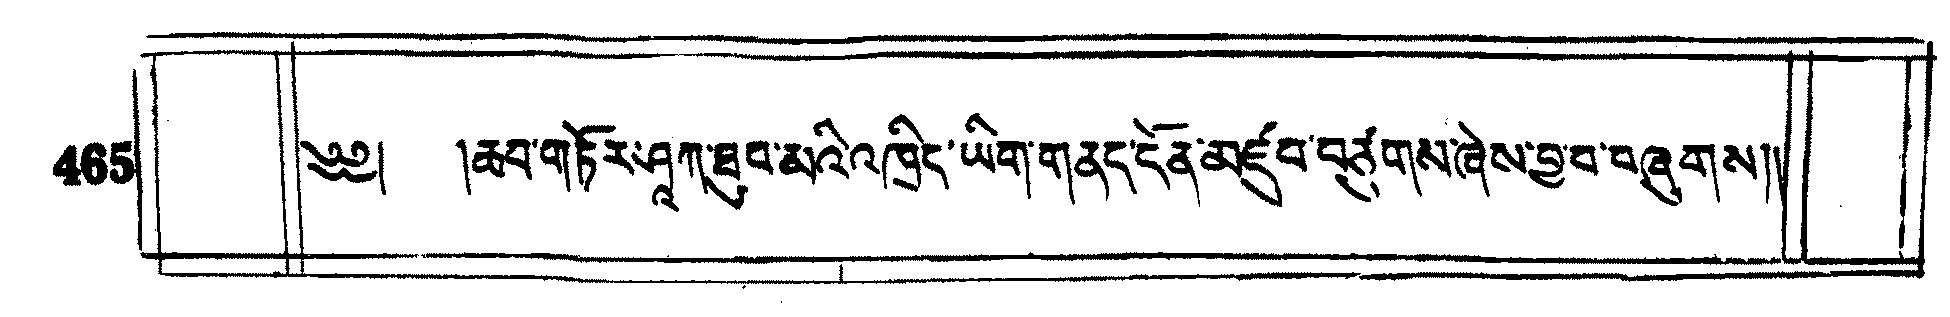༄༅། །ཆབ་གཏོར་ཤཱཀྱ་ཐུབ་མའི་འཁྲིད་ཡིག་གནད་དོན་མཛུབ་བཙུགས་ཞེས་བྱ་བ་བཞུགས།།